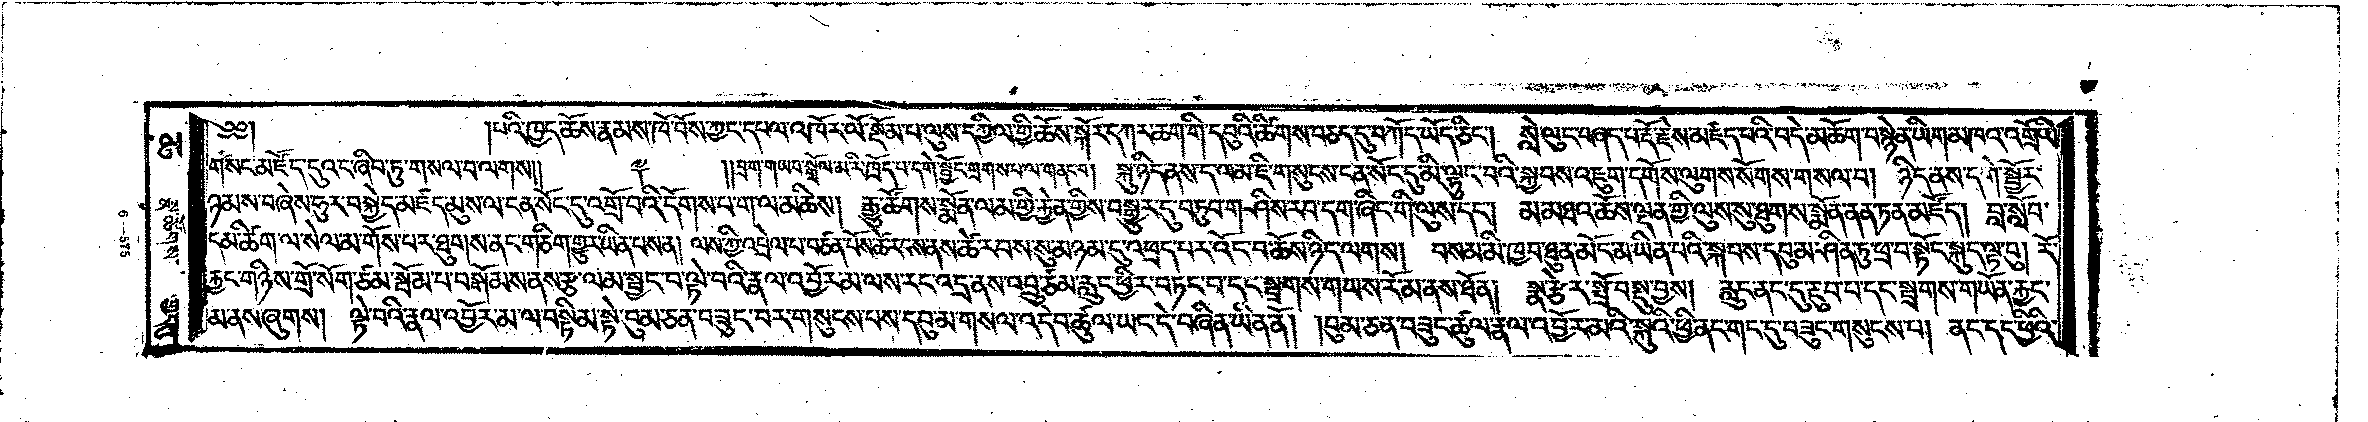༄༅། །པའི་ཁྱད་ཆོས་རྣམས་ཁོ་བོས་ཀྱང་དཔལ་འཁོར་ལོ་སྡོམ་པ་ལུས་དཀྱིལ་གྱི་ཆོས་སྐོར་དཀར་ཆག་གི་དབུའི་ཚིགས་བཅད་དུ་བཀོད་ཡོད་ཅིང་། སླེ་ལུང་བཞད་པ་རྡོ་རྗེས་མཛད་པའི་བདེ་མཆོག་བསྙེན་ཡིག་མཁའ་འགྲོ་ཡི་
གསང་མཛོད་དུའང་ཞིབ་ཏུ་གསལ་བ་ལགས།། ༈ །།བྲག་གཡབ་སྒྲོལ་མ་རི་ཁྲོད་པ་དགེ་སྦྱོང་གྲགས་པ་ལ་གནང་བ།  སྐུ་ཉིད་ནས་ད་ལམ་ཇི་གསུངས་ངན་སོང་དུ་མི་ལྟུང་བའི་སྐྱབས་འཇུག་དགོས་ལུགས་སོགས་གསལ་བ། ཉིད་ནས་དགེ་སྦྱོར་
ཉམས་བཞེས་ཧུར་བསྐྱེད་མཛད་མུས་ལ་ངན་སོང་དུ་འགྲོ་བའི་དོགས་པ་ག་ལ་མཆིས། རྒྱུ་ཚོགས་སྨོན་ལམ་གྱི་རྐྱེན་གྱིས་བསྒྱུར་དུ་བཏུབ་གཤིས་རབ་དག་ཞིང་གི་ལུས་དང་། མ་མཐའ་ཆོས་ལྡན་གྱི་ལུས་སུ་ཐུགས་སྨོན་ནན་ཏན་མཛོད། བླ་སློབ་
དམ་ཚིག་ལ་སེལ་མ་གོས་པར་ཐུགས་ནང་གཅིག་གྱུར་ཡིན་པས་ན། ལས་ཀྱི་འབྲེལ་པ་བཙན་པོས་ཚེ་རངས་ནས་ཚེ་རབས་སུ་མཉམ་དུ་འཕྲད་པར་འོང་བ་ཆོས་ཉིད་ལགས། བསམ་མི་ཁྱབ་ཐུན་མོང་མ་ཡིན་པའི་སྐབས་དབུ་མ་ཤིན་ཏུ་ཕྲ་བ་སྟོང་སྐུད་ལྟ་བུ། རོ་
རྐྱང་གཉིས་གྲོ་སོག་ཙམ་སྦོམ་པ་བསྒོམས་ནས་རྩ་ལམ་སྦྱང་བ་ལྟེ་བའི་རྣལ་འབྱོར་མ་ལས་རང་འདྲ་ནས་འབྲུ་ཙམ་རླུང་ཕྱིར་བཏང་བ་དང་སྦྲགས་གཡས་རོ་མ་ནས་ཐོན། སྣ་རྩེར་སྤྲོ་བསྡུ་བྱས། རླུང་ནང་དུ་རྡུབ་པ་དང་སྦྲགས་གཡོན་རྐྱང་
མ་ནས་ཞུགས། ལྟེ་བའི་རྣལ་འབྱོར་མ་ལ་བསྟིམ་སྟེ་བུམ་ཅན་བཟུང་བར་གསུངས་པས་དབུ་མ་གསལ་འདེབ་ཚུལ་ཡང་དེ་བཞིན་ཡིན་ནོ། །བུམ་ཅན་བཟུང་ཚུལ་རྣལ་འབྱོར་མའི་སྐུའི་ཕྱི་ནང་གང་དུ་བཟུང་གསུངས་པ། ནང་དང་ཕྱིའི་